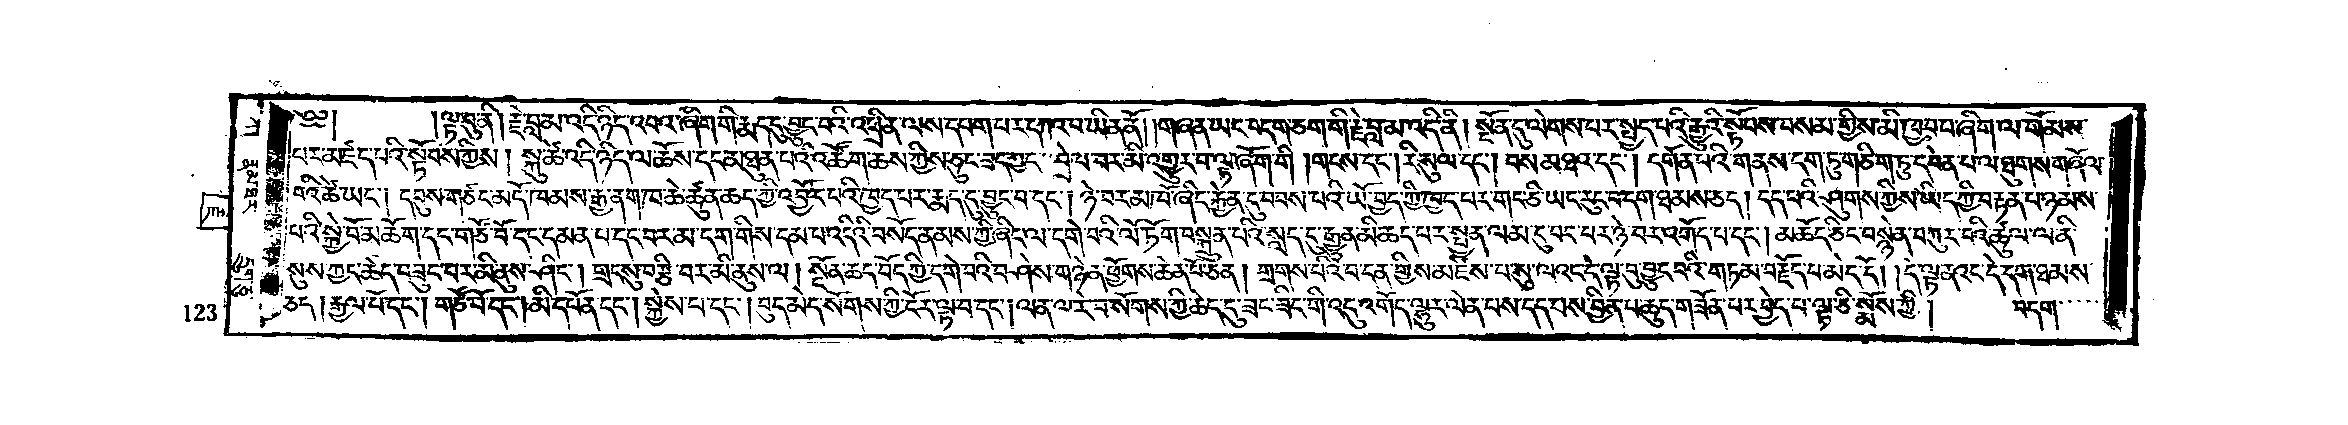༄༅། །ལྟ་བུ་ནི། རྗེ་བླ་མ་འདི་ཉིད་འབའ་ཞིག་གི་རྨད་དུ་བྱུང་བའི་འཕྲིན་ལས་དཔག་པར་དཀའ་བ་ཡིན་ནོ། །གཞན་ཡང་བདག་ཅག་གི་རྗེ་བླ་མ་འདི་ནི། སྔོན་དུ་ལེགས་པར་སྤྱད་པའི་རྒྱུའི་སྟོབས་བསམ་གྱིས་མི་ཁྱབ་པ་ཞིག་ལ་གོམས་
པར་མཛད་པའི་སྟོབས་ཀྱིས། སྐུ་ཚེ་འདི་ཉིད་ལ་ཆོས་དང་མཐུན་པའི་འཚོག་ཆས་ཀྱིས་ཅུང་ཟད་ཀྱང་འབྲེལ་བར་མི་འགྱུར་བ་ལྟ་ཞོག་གི །གངས་དང་། རི་སུལ་དང་། བས་མཐའ་དང་། དགོན་པའི་གནས་དག་ཏུ་གཅིག་ཏུ་དབེན་པ་ལ་ཐུགས་གཞོལ་
བའི་ཚེ་ཡང་། དབུས་གཙང་མདོ་ཁམས་རྒྱ་ནག་ཁ་ཆེ་ཚུན་ཆད་ཀྱི་འབྱོར་པའི་ཁྱད་པར་རྨད་དུ་བྱུང་བ་དང་། ཉེ་བར་མཁོ་ཞིང་རྐྱེན་དུ་བབས་པའི་ཡོ་བྱད་ཀྱི་ཁྱད་པར་གང་ཅི་ཡང་རུང་བདག་ཐམས་ཅད། དད་པའི་ཤུགས་ཀྱིས་ཡིད་ཀྱི་བརྟན་པ་ཉམས་
པའི་སྐྱེ་བོ་མཆོག་དང་གཙོ་བོ་དང་དམན་པ་དང་བར་མ་དག་གིས་དམ་པ་འདིའི་བསོད་ནམས་ཀྱི་ཞིང་ལ་དགེ་བའི་ལོ་ཏོག་བསྐྲུན་པའི་སླད་དུ་རྒྱུན་མི་ཆད་པར་སྤྱན་ལམ་དུ་བང་པར་ཉེ་བར་འགོད་པ་དང་། མཆོད་ཅིང་བསྙེན་བཀུར་བའི་ཚུལ་ལ་ནི་
སུས་ཀྱང་ཚད་བཟུང་བར་མི་ནུས་ཤིང་། གྲངས་སུ་བརྩི་བར་མི་ནུས་ལ། སྔོན་ཆད་བོད་ཀྱི་དགེ་བའི་བཤེས་གཉེན་ཕྱོགས་ཆེན་པོ་ཅན། གྲགས་པའི་བ་དན་གྱིས་མཛེས་པ་སུ་ལའང་དེ་ལྟ་བུ་བྱུང་བའི་གཏམ་བརྗོད་པ་མེད་དོ། །དེ་ལྟ་ནའང་དེ་དག་ཐམས་
ཅད། རྒྱལ་པོ་དང་། གཙོ་བོ་དང་། མི་དཔོན་དང་། སྐྱེས་པ་དང་། བུད་མེད་སོགས་ཀྱི་ངོར་ལྟ་བ་དང་། ལན་ལ་རེ་བ་སོགས་ཀྱི་ཆེད་དུ་ཟང་ཟིང་གི་འདུ་འགོད་ལྷུར་ལེན་པས་དད་པས་བྱིན་པ་ཆུད་གཟོན་པར་བྱེད་པ་ལྟ་ཅི་སྨོས་ཀྱི། བདག་